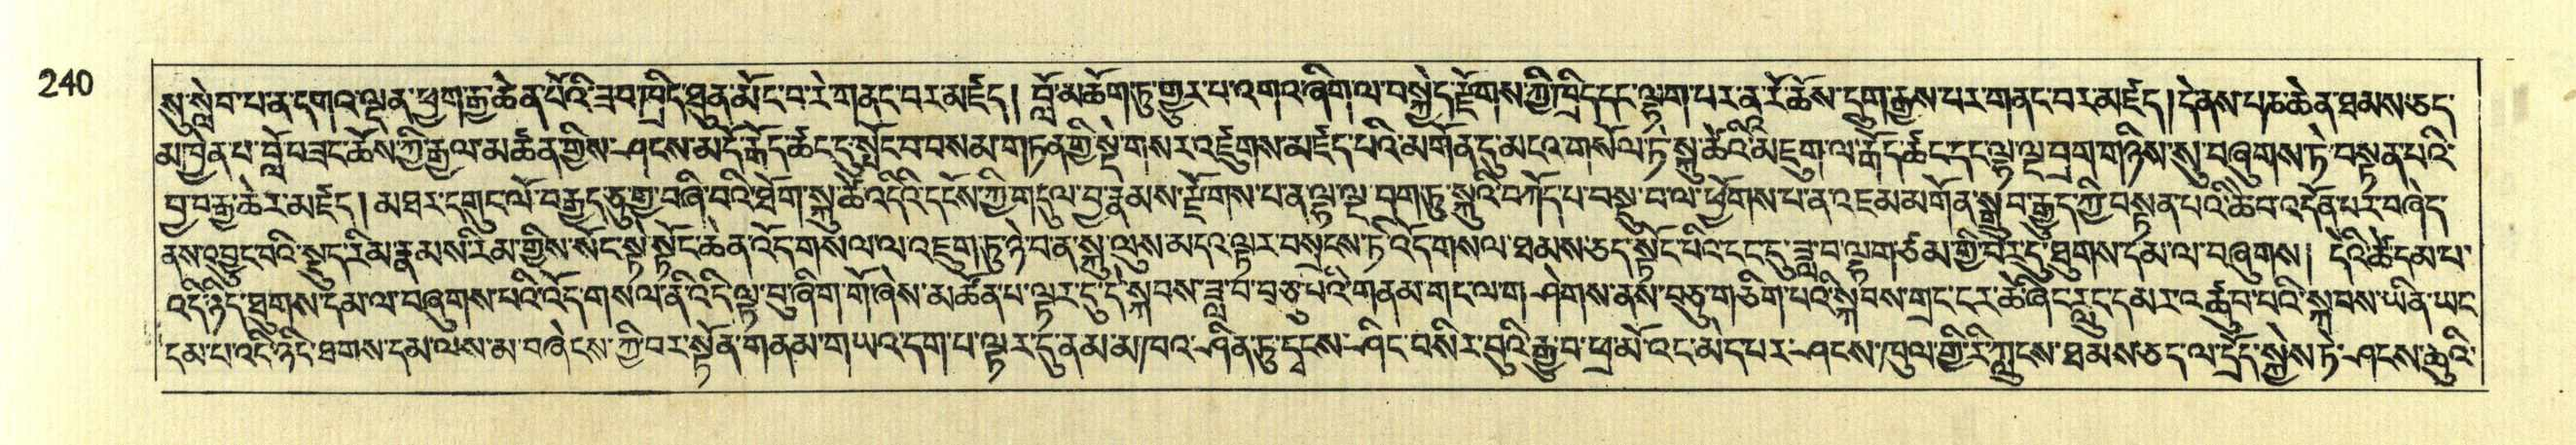སུ་སླེབ་པ་ན་དགའ་ལྡན་ཕྱག་རྒྱ་ཆེན་པོའི་ཟབ་ཁྲིད་ཐུན་མོང་བ་རེ་གནང་བར་མཛད། བློ་མཆོག་ཏུ་གྱུར་པ་འགའ་ཞིག་ལ་བསྐྱེད་རྫོགས་ཀྱི་ཁྲིད་དང་ལྷག་པར་ནཱ་རོ་ཆོས་དྲུག་རྒྱས་པར་གནང་བར་མཛད། དེ་ནས་པཎ་ཆེན་ཐམས་ཅད་
མཁྱེན་པ་བློ་བཟང་ཆོས་ཀྱི་རྒྱལ་མཚན་གྱིས་ཤངས་མདོ་རྒོད་ཚང་དུ་སྤོང་བ་བསམ་གཏན་གྱི་སྡེ་གསར་འཛུགས་མཛད་པའི་མགོན་དུ་མངའ་གསོལ་ཏེ་སྐུ་ཚེའི་མཇུག་ལ་རྒོད་ཚང་དང་ལྷ་ལྔ་བྲག་གཉིས་སུ་བཞུགས་ཏེ་བསྟན་པའི་
བྱ་བ་རྒྱ་ཆེར་མཛད། མཐར་དགུང་ལོ་བརྒྱད་ཅུ་གྱ་བཞི་བའི་ཐོག་སྐུ་ཚེ་འདིའི་དངོས་ཀྱི་གདུལ་བྱ་རྣམས་རྫོགས་པ་ན་ལྷ་ལྔ་བྲག་ཏུ་སྐུའི་བཀོད་པ་བསྡུ་བ་ལ་ཕྱོགས་པ་ན་འཇམ་མགོན་སྒྲུབ་རྒྱུད་ཀྱི་བསྟན་པའི་ཆེ་བ་འདོན་པར་བཞེད་
ནས་འབྱུང་བའི་སྡུད་རིམ་རྣམས་རིམ་གྱིས་སོང་སྟེ་སྟོང་ཆེན་འོད་གསལ་ལ་འཇུག་ཏུ་ཉེ་བ་ན་སྐུ་ལུས་མདའ་ལྟར་བསྲངས་ཏེ་འོད་གསལ་ཐམས་ཅད་སྟོང་པའི་དང་དུ་ཟླ་བ་ལྷག་ཙམ་གྱི་བར་དུ་ཐུགས་དམ་ལ་བཞུགས། དེའི་ཚེ་དམ་པ་
འདི་ཉིད་ཐུགས་དམ་ལ་བཞུགས་པའི་འོད་གསལ་ནི་འདི་ལྟ་བུ་ཞིག་གོ་ཞེས་མཚོན་པ་ལྟར་དུ་དེ་སྐབས་ཟླ་བ་བཅུ་པའི་གནམ་གང་ལ་གཤེགས་ནས་བཅུ་གཅིག་པའི་སྐབས་གྲང་ངར་ཆེ་ཞིང་རླུང་དམར་འཚུབ་པའི་སྐབས་ཡིན་ཡང་
དམ་པ་འདི་ཉིད་ཐགས་དམ་ལས་མ་བཞེངས་ཀྱི་བར་སྟོན་གནམ་གཡའ་དག་པ་ལྟར་དུ་ནམ་མཁའ་ཤིན་ཏུ་དྭངས་ཤིང་བསིར་བུའི་རྒྱུ་བ་ཕྲ་མོ་འང་མེད་པར་ཤངས་ཁུལ་གྱི་རི་ཀླུངས་ཐམས་ཅད་ལ་དྲོད་སྐྱེས་ཏེ་ཤངས་ཆུའི་